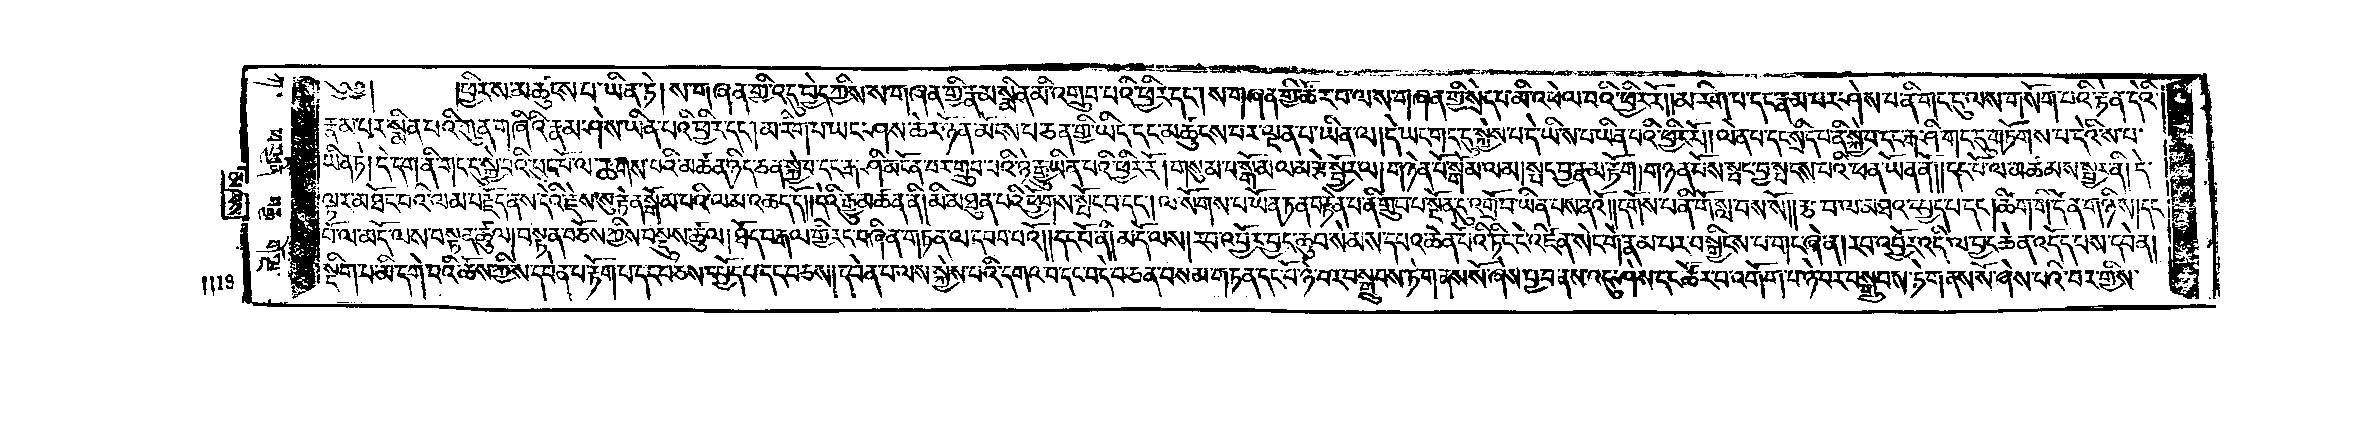༄༅། །ཕྱིར་ས་མཚུངས་པ་ཡིན་ཏེ། ས་གཞན་གྱི་འདུ་བྱེད་ཀྱིས་ས་གཞན་གྱི་རྣམ་སྨིན་མི་འགྲུབ་པའི་ཕྱིར་དང་། ས་གཞན་གྱི་ཚོར་བ་ལས་གཞན་གྱི་སྲིད་པ་མི་འཕེལ་བའི་ཕྱིར་རོ། །མ་རིག་པ་དང་རྣམ་པར་ཤེས་པ་ནི་གང་དུ་ལས་གསོག་པའི་རྟེན་དེའི་
རྣམ་པར་སྨིན་པའི་ཀུན་གཞིའི་རྣམ་ཤེས་ཡིན་པའི་ཕྱིར་དང་། མ་རིག་པ་ཡང་ཤས་ཆེར་ཉོན་མོངས་པ་ཅན་གྱི་ཡིད་དང་མཚུངས་པར་ལྡན་པ་ཡིན་ལ། དེ་ཡང་གང་དུ་སྐྱེས་བ་དེ་ཡི་ས་བ་ཡིན་པའི་ཕྱིར་རོ། །ལེན་པ་དང་སྲིད་པ་ནི་སྐྱེ་བ་དང་རྒ་ཤི་གང་དུ་གཏོགས་པ་དེའི་ས་པ་
ཡིན་ཏེ། དེ་དག་ནི་གང་དུ་སྐྱེ་བའི་ཕུང་པོ་ལ་ཆགས་པའི་མཚན་ཉིད་ཅན་སྐྱེ་བ་དང་རྒ་ཤི་མངོན་པར་གྲུབ་པའི་ཉེ་རྒྱུ་ཡིན་པའི་ཕྱིར་རོ། གསུམ་པ་སྒོམ་ལས་རྩེ་སྦྱོར་ལ། གཉེན་པོ་སྒོམ་ལམ། སྤང་བྱ་རྣམ་རྟོག། གཉེན་པོས་སྤང་བྱ་སྤངས་པའི་ཕན་ཡོན་ནོ། །དང་པོ་ལ་མཚམས་སྦྱར་བ་ནི། དེ་
ལྟར་མཐོང་བའི་ལམ་བརྗོད་ནས་དེའི་རྗེས་སུ་རྟེན་སྒོམ་པའི་ལམ་འཆད་དོ། །དེའི་རྒྱུ་མཚན་ནི། མི་མཐུན་པའི་ཕྱོགས་སྤོང་བ་དང་། ལ་སོགས་པ་ཡོན་ཏན་བརྟེན་པ་ནི་གྲུབ་པ་སྔོན་དུ་འགྲོ་བ་ཡིན་པས་ནའོ། །དགོས་པ་ནི་གོ་སླ་བས་སོ། །རྩ་བ་ལ་མཐའ་དཔྱད་པ་དང་། ཚིག་གི་དོན་གཉིས། དང་
པོ་ལ་མདོ་ལས་བསྟན་ཚུལ། བསྟན་བཅོས་ཀྱིས་བསྡུས་ཚུལ། ཐོད་བརྒལ་གྱི་རང་བཞིན་གཏན་ལ་དབབ་པའོ། །དང་པོ་ནི། མདོ་ལས། རབ་འབྱོར་བྱང་ཆུབ་སེམས་དཔའ་ཆེན་པོའི་ཏིང་ངེ་འཛིན་སེང་གེ་རྣམ་པར་བསྒྱིངས་པ་གང་ཞེ་ན། རབ་འབྱོར་འདི་ལ་བྱང་ཆེན་འདོད་པས་དབེན།
སྡིག་པ་མི་དགེ་བའི་ཆོས་ཀྱིས་དབེན་པ་རྟོག་པ་དང་བཅས་དཔྱོད་པ་དང་བཅས། བདེན་པ་ལས་སྐྱེས་པའི་དགའ་བ་དང་བདེ་བ་ཅན་བསམ་གཏན་དང་པོ་ཉེ་བར་བསྒྲུབས་ཏེ་གནས་སོ་ཞེས་བྱ་བ་ནས་འདུ་ཤེས་དང་ཚོར་བ་འགོག་པ་ཉེ་བར་བསྒྲུབས་ཏེ་གནས་སོ་ཞེས་པའི་བར་གྱིས་